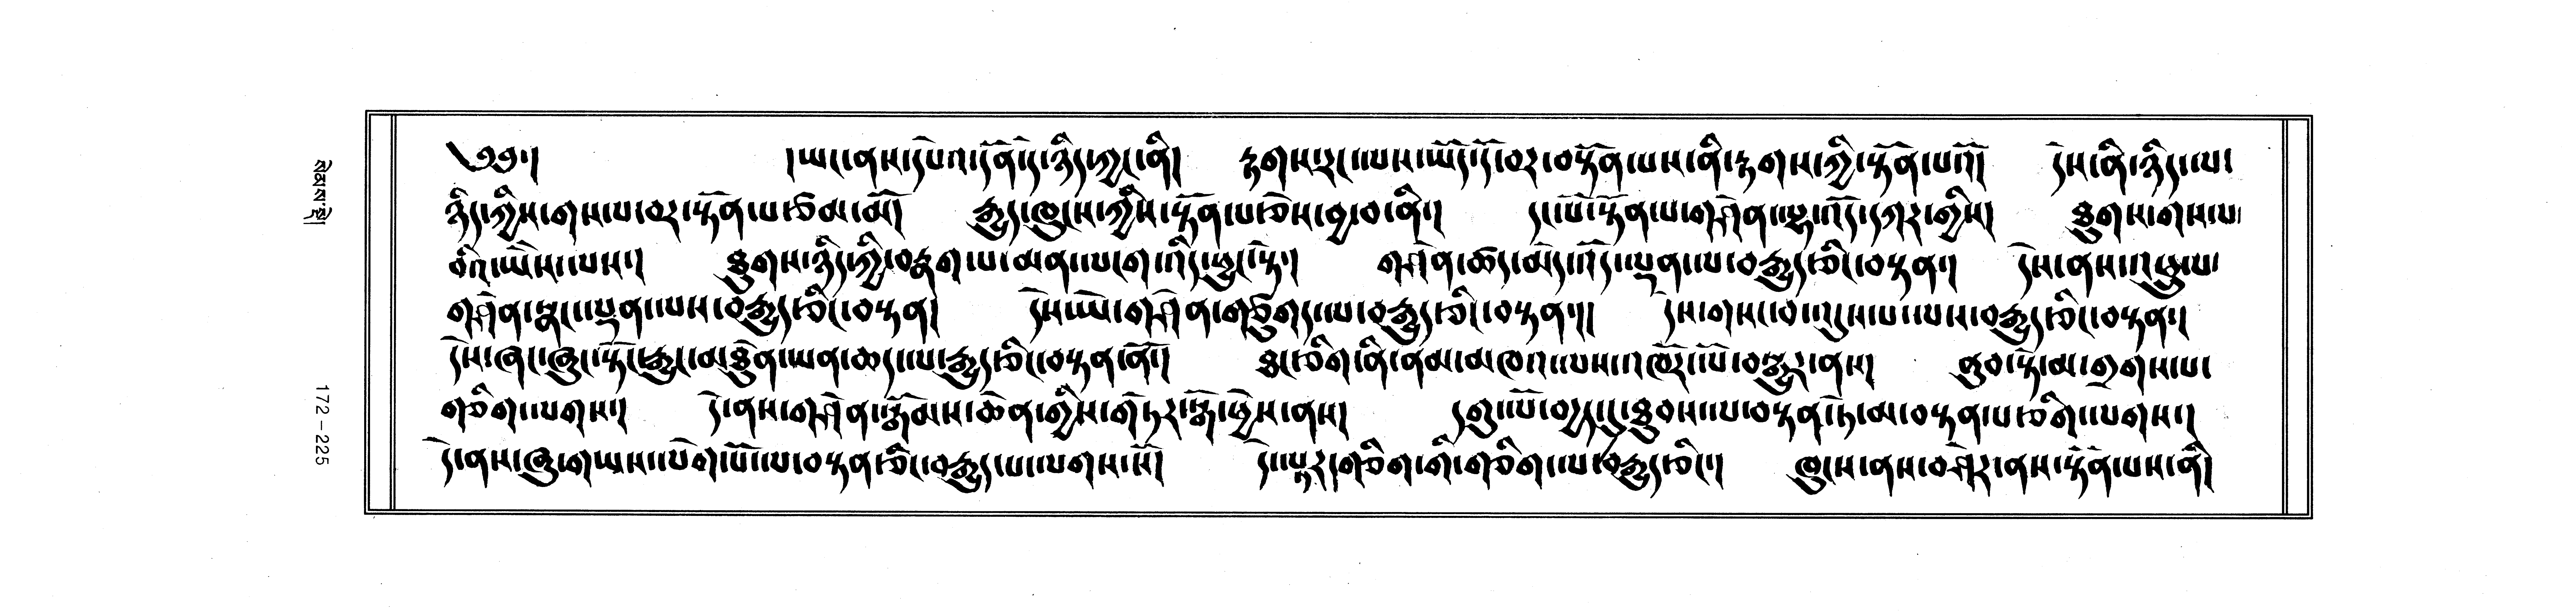ཡང་ནས་དཔེའ་དོན་དེ་ཉིད་ཀྱང་ནི། རྟགས་རང་ལས་ཡོད་དོ་བར་བསྟན་པས་ནི་རྟགས་ཀྱི་སྟོན་པའོ། དེས་ནི་ཉིད་ལ་
ཉིད་ཀྱིས་གསལ་བར་སྟོན་པ་ཙམ་མོ། རྒྱུད་ཁུངས་ཀྱིས་སྟོན་པ་ཅེས་བྱ་བ་ནི། དང་པོ་སྟོན་པ་གཤེན་ལྷ་འོད་དཀར་གྱིས། ཐུགས་གསལ་
བའི་ཡེ་ཤེས་ལས། ཐུགས་ཉིད་ཀྱི་བརྣག་པ་མན་ངག་འདི་ཕྱུང་སྟེ། གཤེན་ཚད་མེད་འོད་ལྡན་ལ་བརྒྱུད་ཅིང་བསྟན། དེས་ནས་འཕྲུལ་
གཤེན་སྣང་ལྡན་ལས་བརྒྱུད་ཅིང་བསྟན། དེས་ཡེ་གཤེན་གཙུག་ཕུད་ལ་བརྒྱུད་ཅིང་བསྟན། དེས་གསང་བ་འདུས་པ་ལས་བརྒྱུད་ཅིང་བསྟན། 
དེས་ཞང་ཞུང་སྟོང་རྒྱུང་མཐུ་ཆེན་ཡན་ཆད་ལ་རྒྱུད་ཅིང་བསྟན་ནོ། ཐང་ཅིག་ནི་ནམ་མཁའ་ལས་འཁོར་ལོ་བསྒྱུར་ནས། ནུབ་སྟེ་མ་གྲགས་པ་
གཅིག་ལགས། དེ་ནས་གཤེན་སྒོམས་ཆེན་གྱིས་གཏེར་སྒོ་ཕྱེས་ནས། དགུ་ལོ་བརྒྱད་དུ་ཐུབས་ལ་བསྟན་ཏེ་མ་བསྟན་པ་ཅིག་ལགས། 
དེ་ནས་ཞུ་གཡས་ལེག་པོ་ལ་བསྟན་ཅིང་བརྒྱུད་པ་ལགས་སྭོ། དེ་ལྟར་གཅིག་གི་གཅིག་ལ་བརྒྱུད་ཅིང་། ཁུངས་ནས་བཤེར་ནས་སྟོན་པས་ནི།